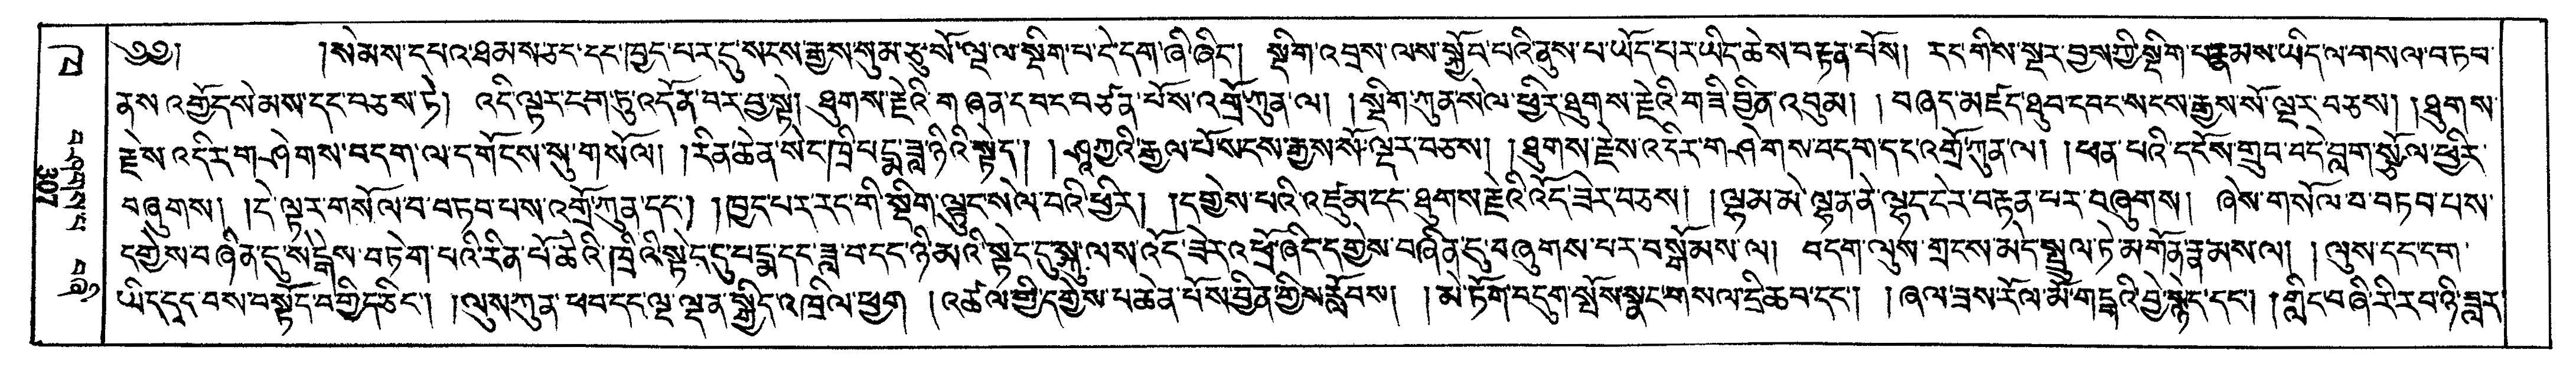༄༅། །སེམས་དཔའ་ཐམས་ཅད་དང་ཁྱད་པར་དུ་སངས་རྒྱས་སུམ་ཅུ་སོ་ལྔ་ལ་སྡིག་པ་དེ་དག་ཞི་ཞིང་། སྡིག་འབྲས་ལས་སྐྱོབ་པའི་ནུས་པ་ཡོད་པར་ཡིད་ཆེས་བརྟན་པོས། རང་གིས་སྔར་བྱས་ཀྱི་སྡིག་པ་རྣམས་ཡིད་ལ་གསལ་བཏབ་
ནས་འགྱོད་སེམས་དང་བཅས་ཏེ། འདི་ལྟར་ངག་ཏུ་འདོན་པར་བྱ་སྟེ། ཐུགས་རྗེའི་གཞན་དབང་བཙན་པོས་འགྲོ་ཀུན་ལ། །སྡིག་ཀུན་སེལ་ཕྱིར་ཐུགས་རྗེའི་གཟི་བྱིན་འབུམ། །བཞད་མཛད་ཐུབ་དབང་སངས་རྒྱས་སོ་ལྔར་བཅས། །ཐུགས་
རྗེས་འདིར་གཤེགས་བདག་ལ་དགོངས་སུ་གསོལ། །རིན་ཆེན་སེང་ཁྲི་པདམ་ཟླ་ཉིའི་སྟེང་། །ཤཱཀྱའི་རྒྱལ་པོ་སངས་རྒྱས་སོ་ལྔར་བཅས། །ཐུགས་རྗེས་འདིར་གཤེགས་བདག་དང་འགྲོ་ཀུན་ལ། །ཕན་པའི་དངོས་གྲུབ་བདེ་བླག་སྩོལ་ཕྱིར་
བཞུགས། །དེ་ལྟར་གསོལ་བ་བཏབ་པས་འགྲོ་ཀུན་དང་། །ཁྱད་ལར་རང་གི་སྡིག་ལྟུང་སེལ་བའི་ཕྱིར། །དགྱེས་པའི་འཛུམ་དང་ཐུགས་རྗེའི་འོད་ཟེར་བཅས། །ལྷམ་མེ་ལྷན་ནེ་ལྷང་ངེར་བརྟན་པར་བཞུགས། ཞེས་གསོལ་བ་བཏབ་པས་
དགྱེས་བཞིན་དུ་སེངྒེས་བཏེག་པའི་རིན་པོ་ཆེའི་ཁྲིའི་སྟེང་དུ་པདམ་དང་ཟླ་བ་དང་ཉི་མའི་སྟེང་དུ་སྐུ་ལས་འོད་ཟེར་འཕྲོ་ཞིང་དགྱེས་བཞིན་དུ་བཞུགས་པར་བསྒོམས་ལ། བདག་ལུས་གྲངས་མེད་སྤྲུལ་ཏེ་མགོན་རྣམས་ལ། །ལུས་དང་ངག་
ཡིད་དྭང་བས་བསྟོད་བགྱིད་ཅིང་། །ལུས་ཀུན་ཕབ་དང་ལྔ་ལྡན་སྒྱིད་འཁྲིལ་ཕྱག །འཚལ་གྱི་དགྱེས་པ་ཆེན་པོས་བྱིན་གྱིས་རློབས། །མེ་ཏོག་བདུག་སྤོས་སྣང་གསལ་དྲི་ཆབ་དང་། །ཞལ་ཟས་རོལ་མོ་གྔྒཱའི་བྱེ་སྙེད་དང་། །གླིང་བཞི་རི་རབ་ཉི་ཟླར་